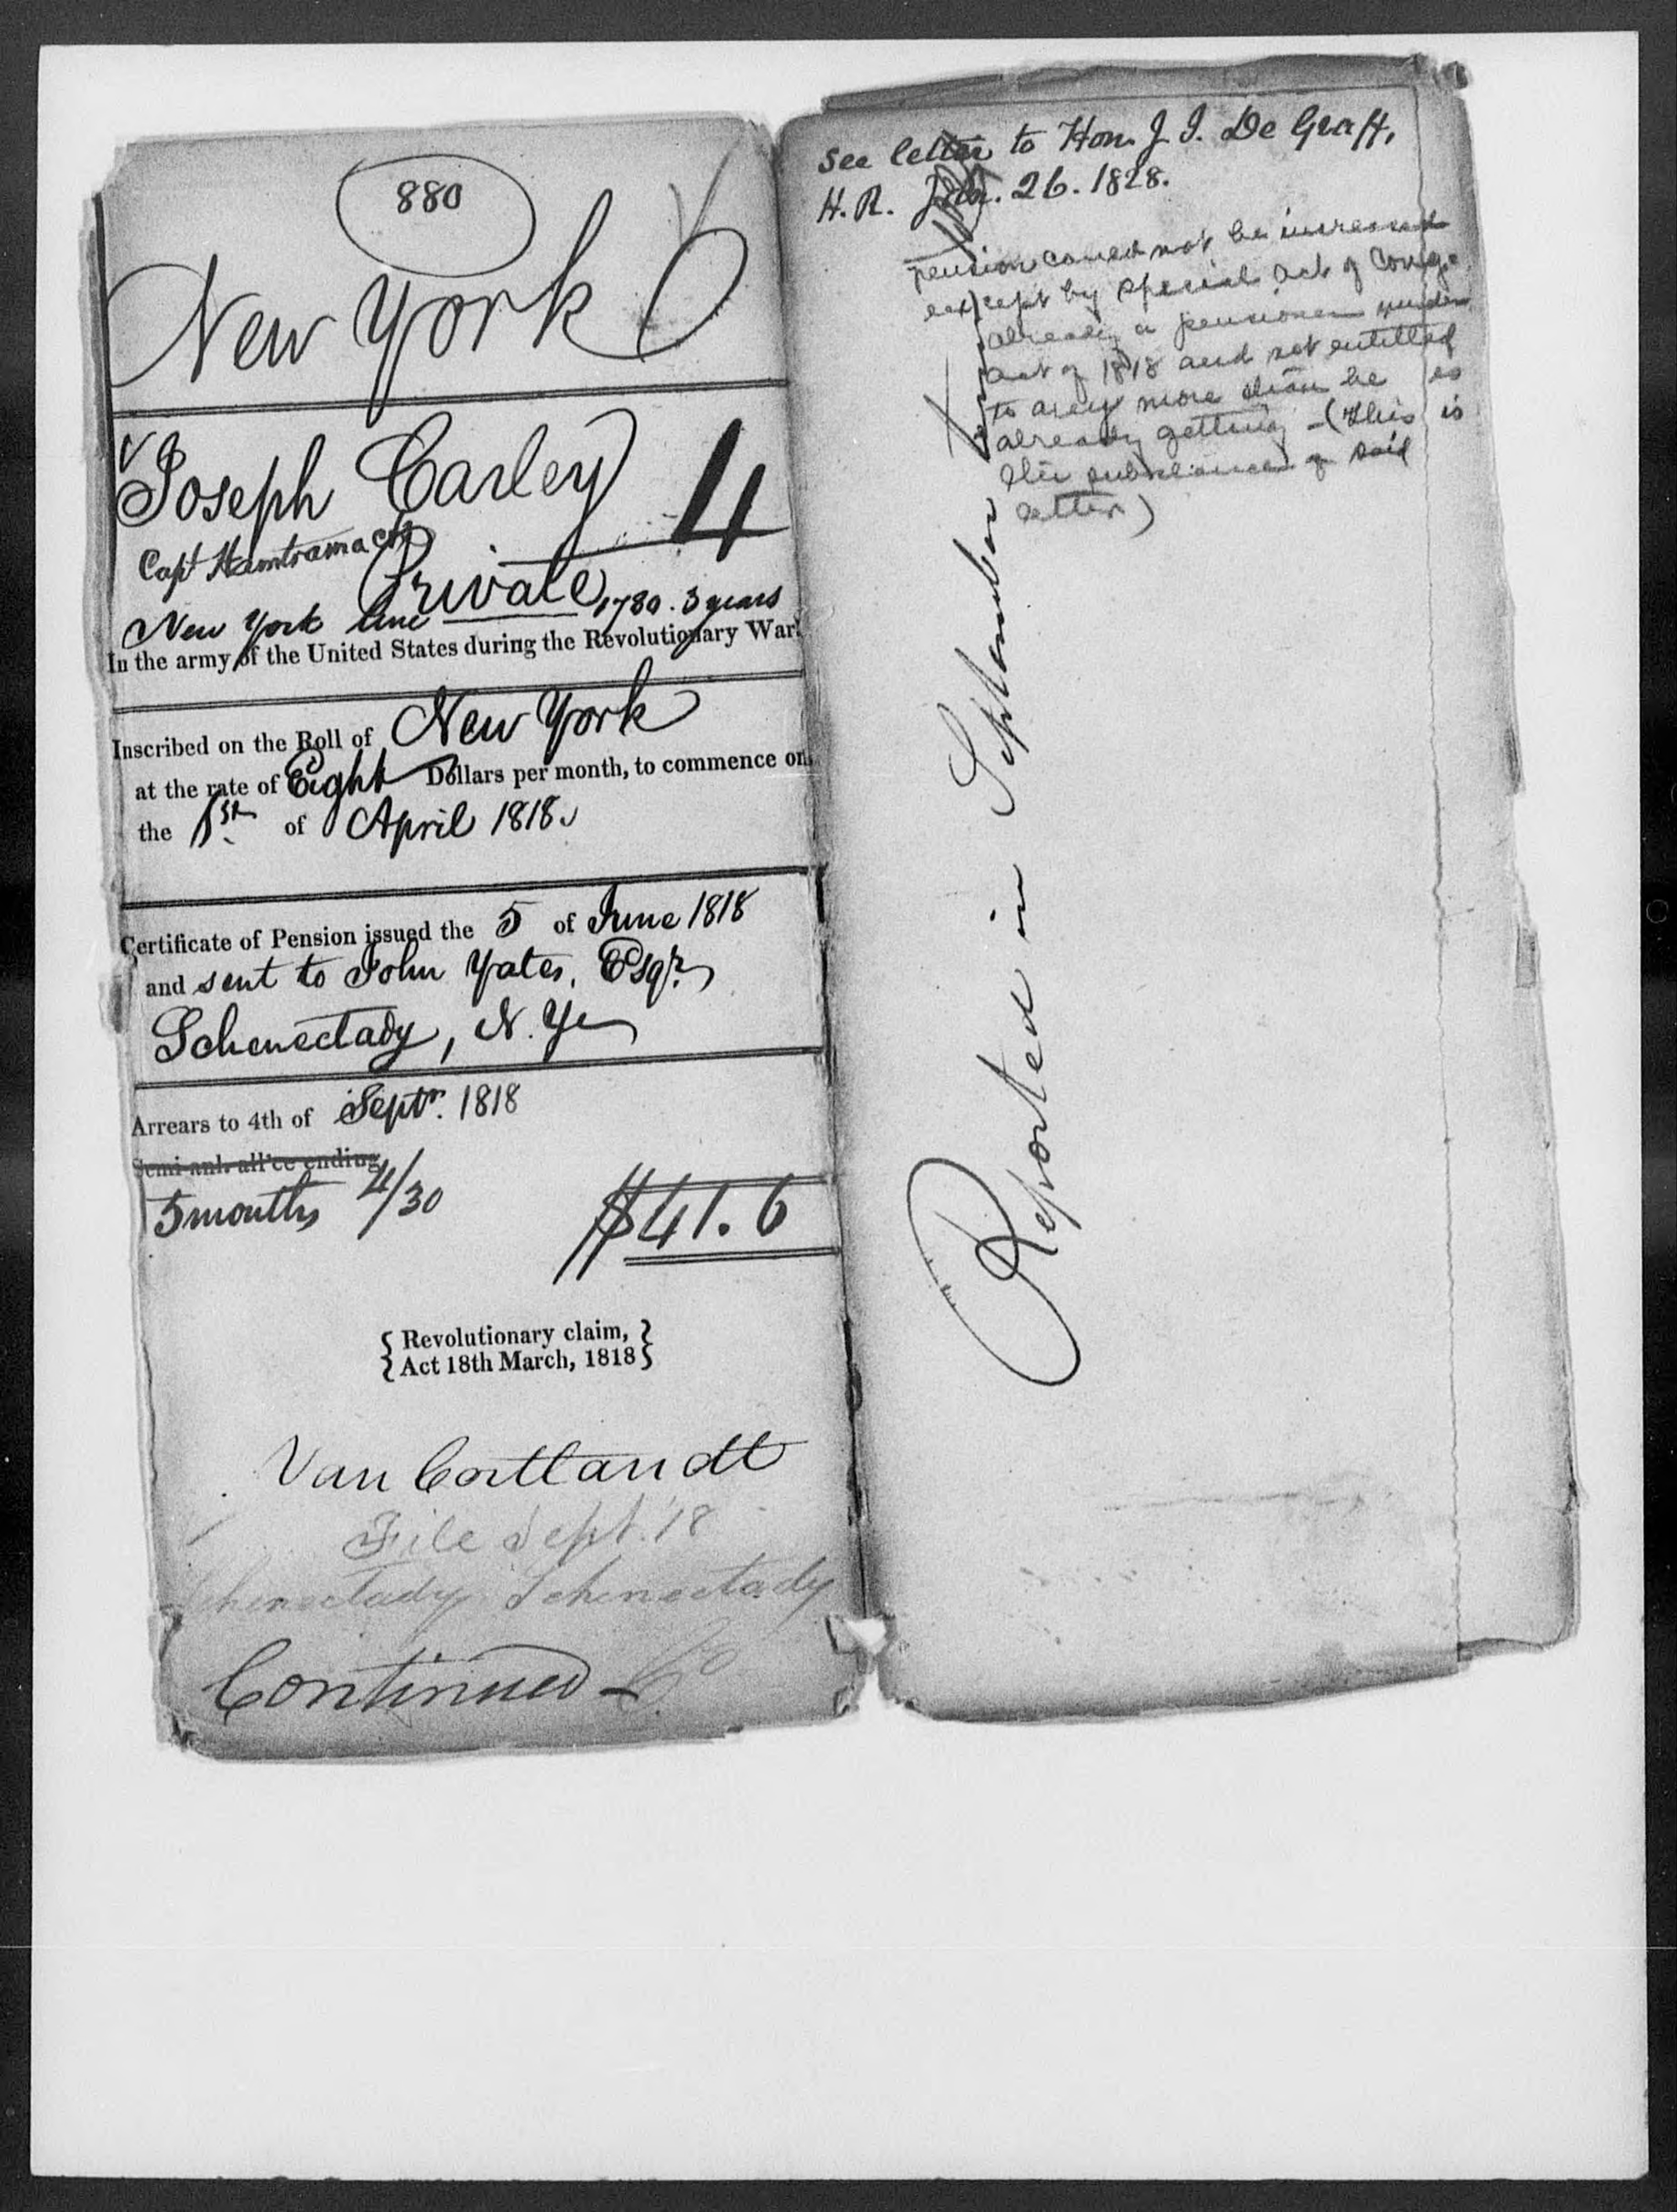880


New York

Joseph Carley

Capt. Hamstrong Co.

Private

New York line - 1780
3 years in the army of the United States during the Revolutionary War

Inscribed on the Roll of New York
at the rate of Eight Dollars per month, to commence on
the 1st of April 1818.

Certificate of Pension issued the 5th of June 1818
and sent to John Yates, Esq.
Schenectady, N.Y.

Arrears to 4th of Sept. 1818

5 months 4/30

$41.60

{Revolutionary claim,}
{Act 18th March, 1818}

Van Cortlandt

File Sept. 18
Schenectady
Schenectady

Continued

See letter to Hon. J.J. DeGraff
H.R. Jan. 26 1828

pension could not be increased
except by special act of Congress
already a pensioner under
Act of 1818 and not entitled
to any more than he is 
already getting (This is 
His subreliance of said  
letter)



Reported in September ? 1824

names: John Yates, Joseph Carley, J I De Graff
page: 2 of 16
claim: survivor's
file: S. 44371, Joseph Carley, New York.